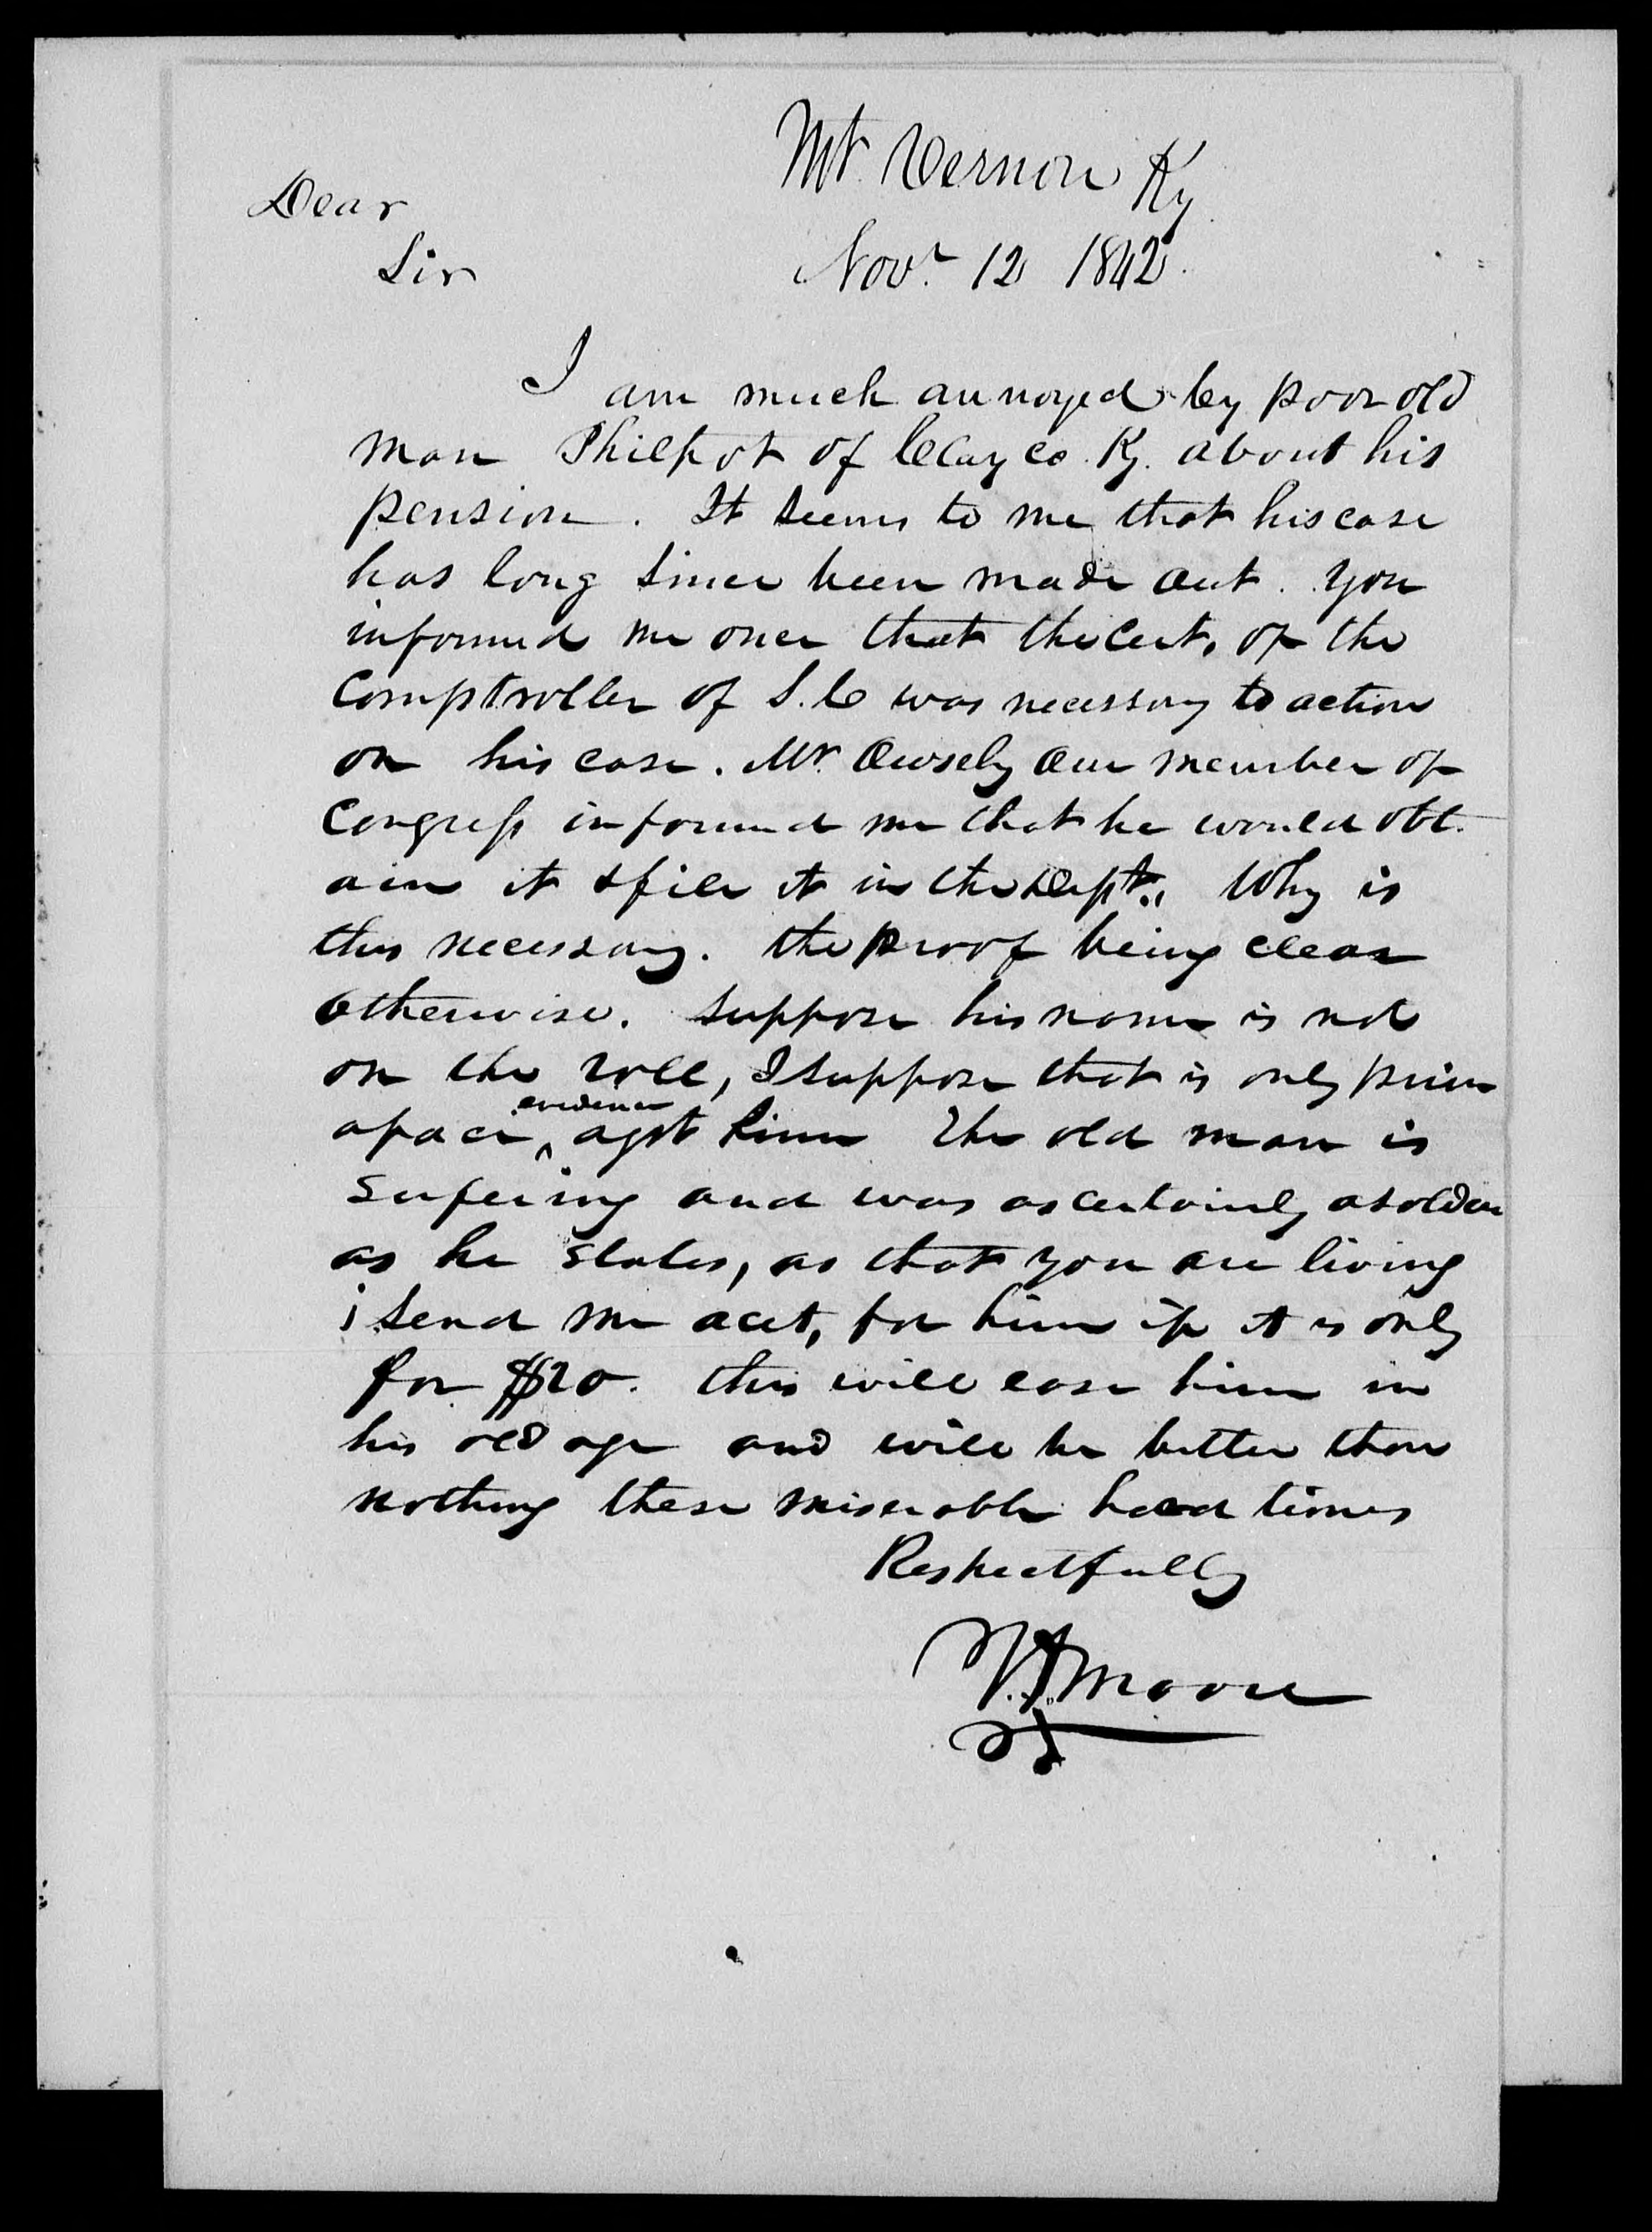Mt. Vernon Ky
Novr 12 1842
Dear Sir I am much annoyed by poor old man Philpot of Clay Co Ky. about his pension. It seems to me that his case has long since been made out. you informed me once that the Cert of the Comptroller of S.C. was necessary to action on his case. Mr Owsely our member of Congress informed me that he would obtain it & file it in the Dept
Why is this necessary the proof being clear otherwise, suppose his name is not on the roll, I suppose that is only prima facie evidence against him the old man is suffering and was as certainly a soldier as he states, as that you are living
send me a cert for him if it is only
for $20 this will ease him in
his old age and will be better than
nothing these miserable hard times
Respectfully
JA. Moore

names: J A Moore; [BLANK] Philpot; [BLANK] Owsely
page: 39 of 43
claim: rejected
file: R. 8217, for Thomas Philpot, South Carolina